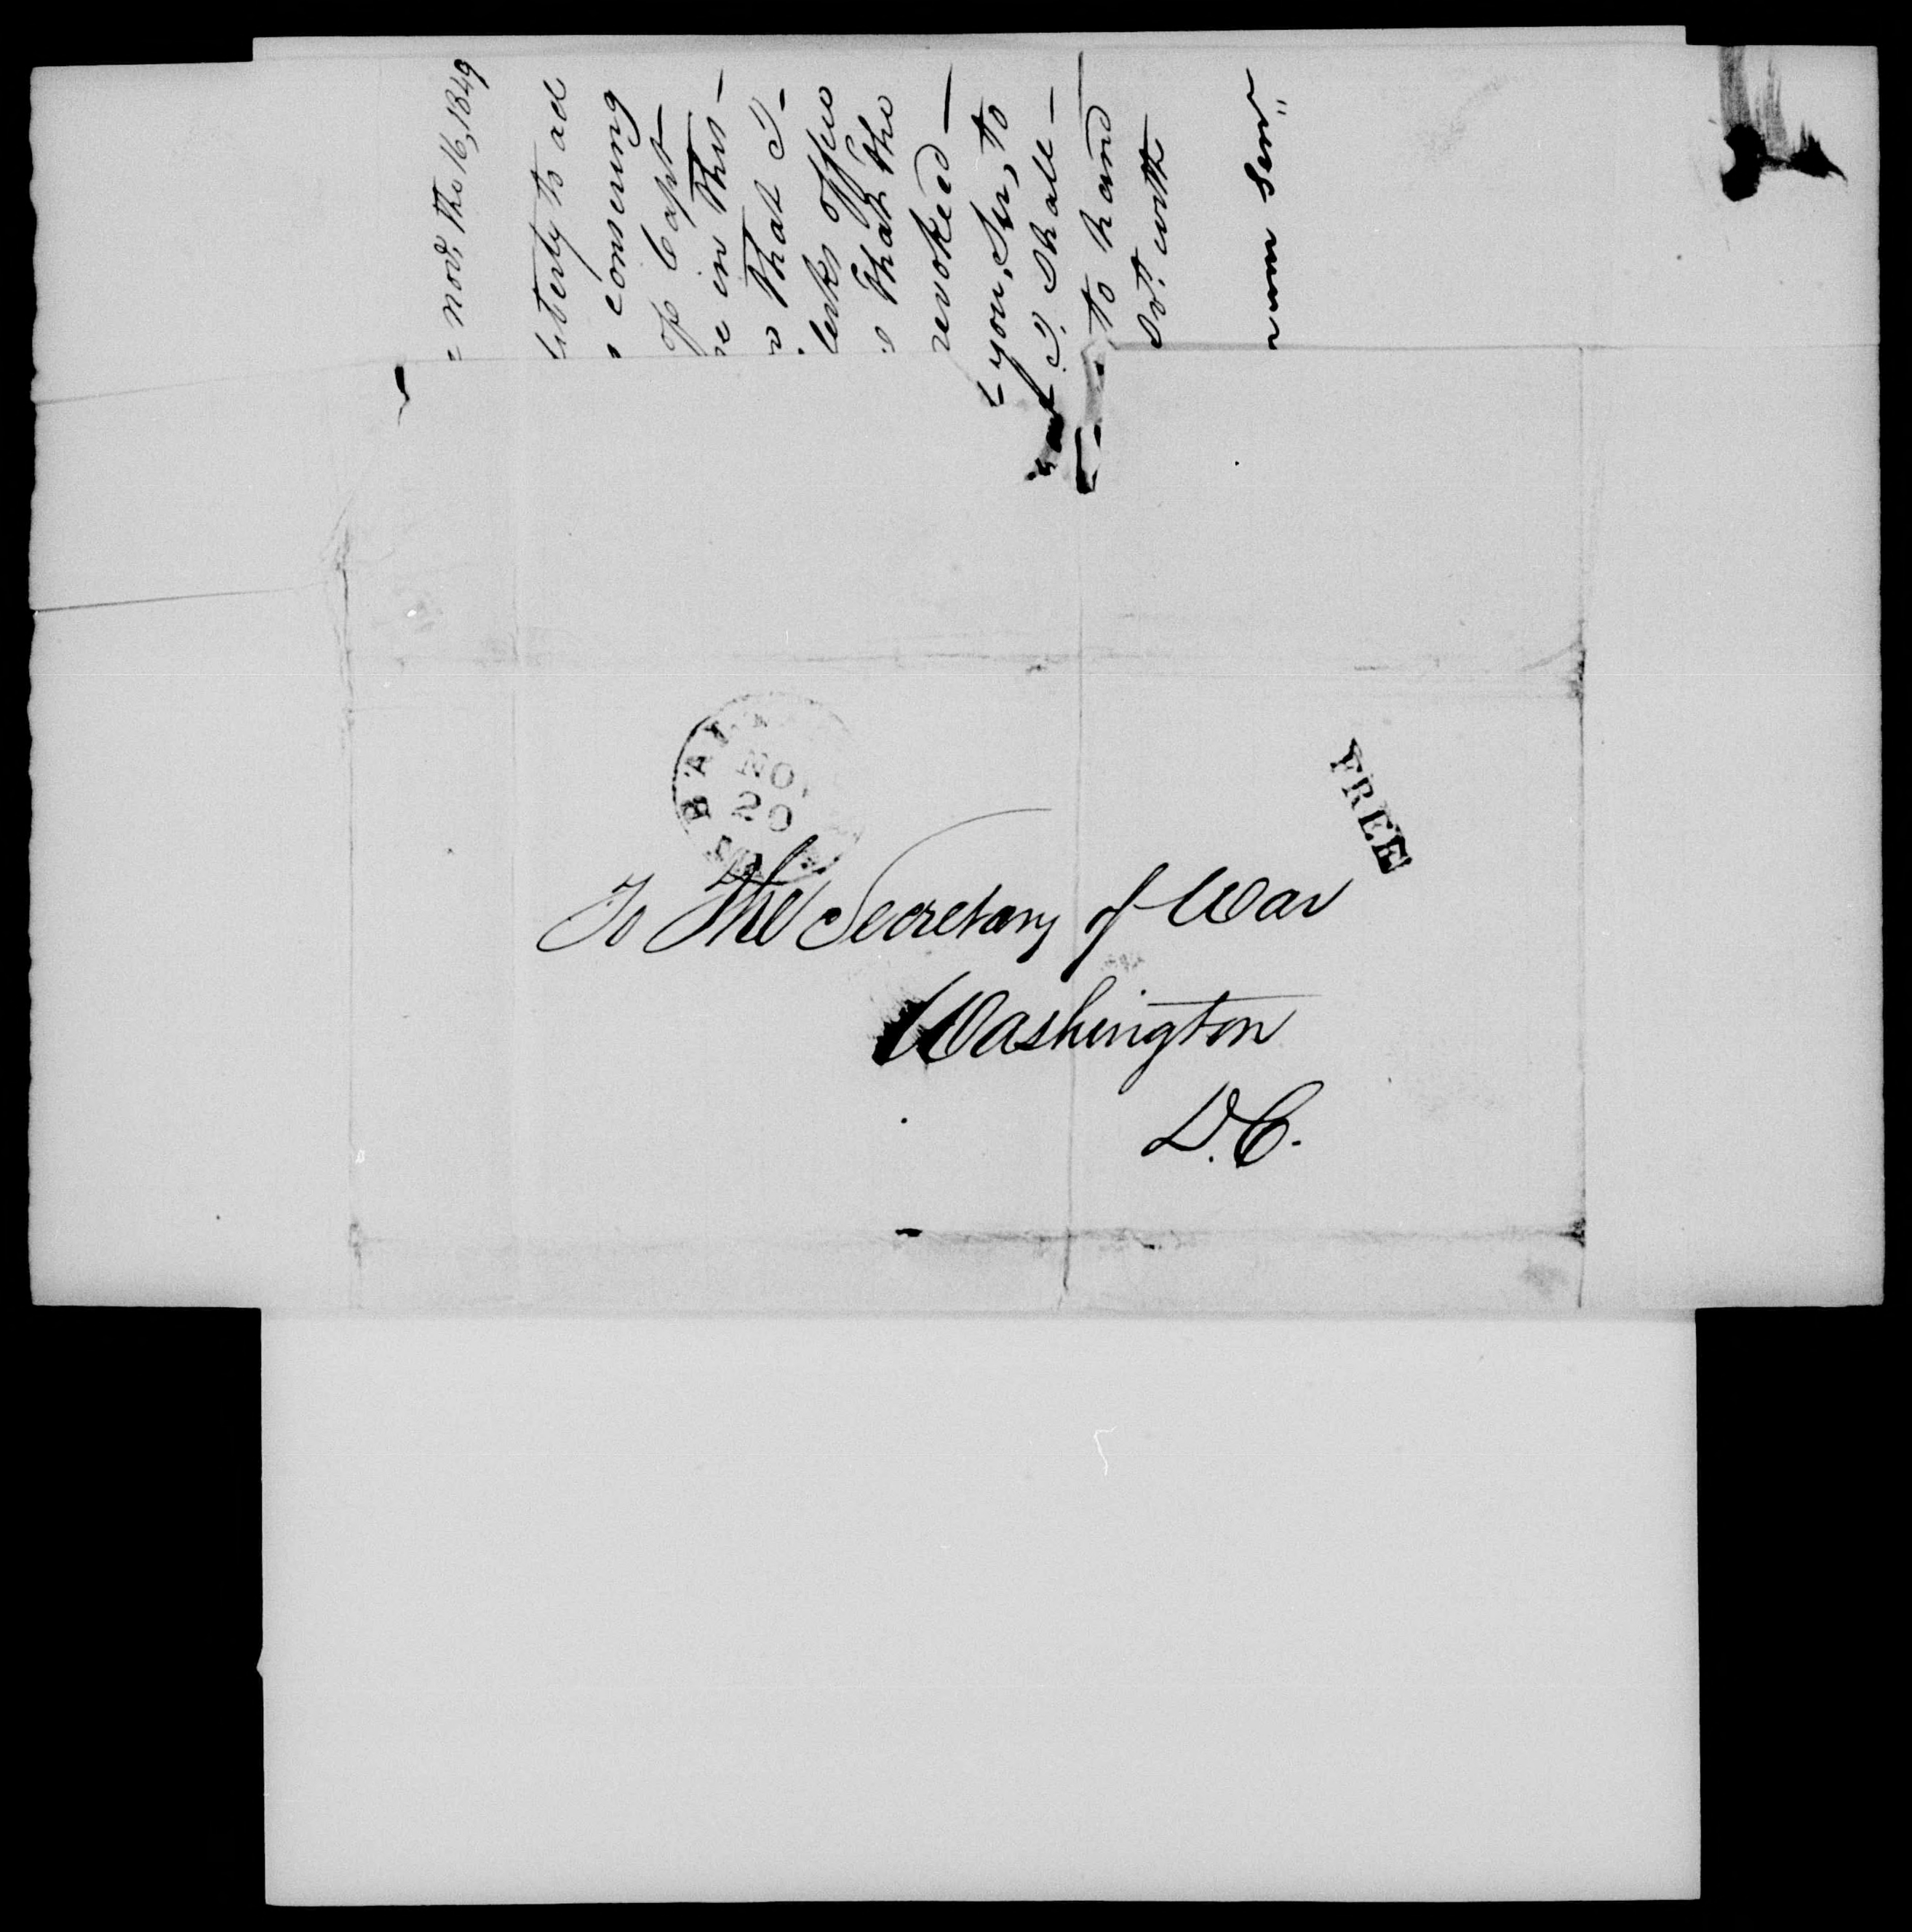[Envelope for letter from previous page]
[Postmark city illegible NOV 20]
Free
To the Secretary of War
Washington
D.C.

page: 21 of 30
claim: rejected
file: R. 16,555, for Thomas Morris, Georgia